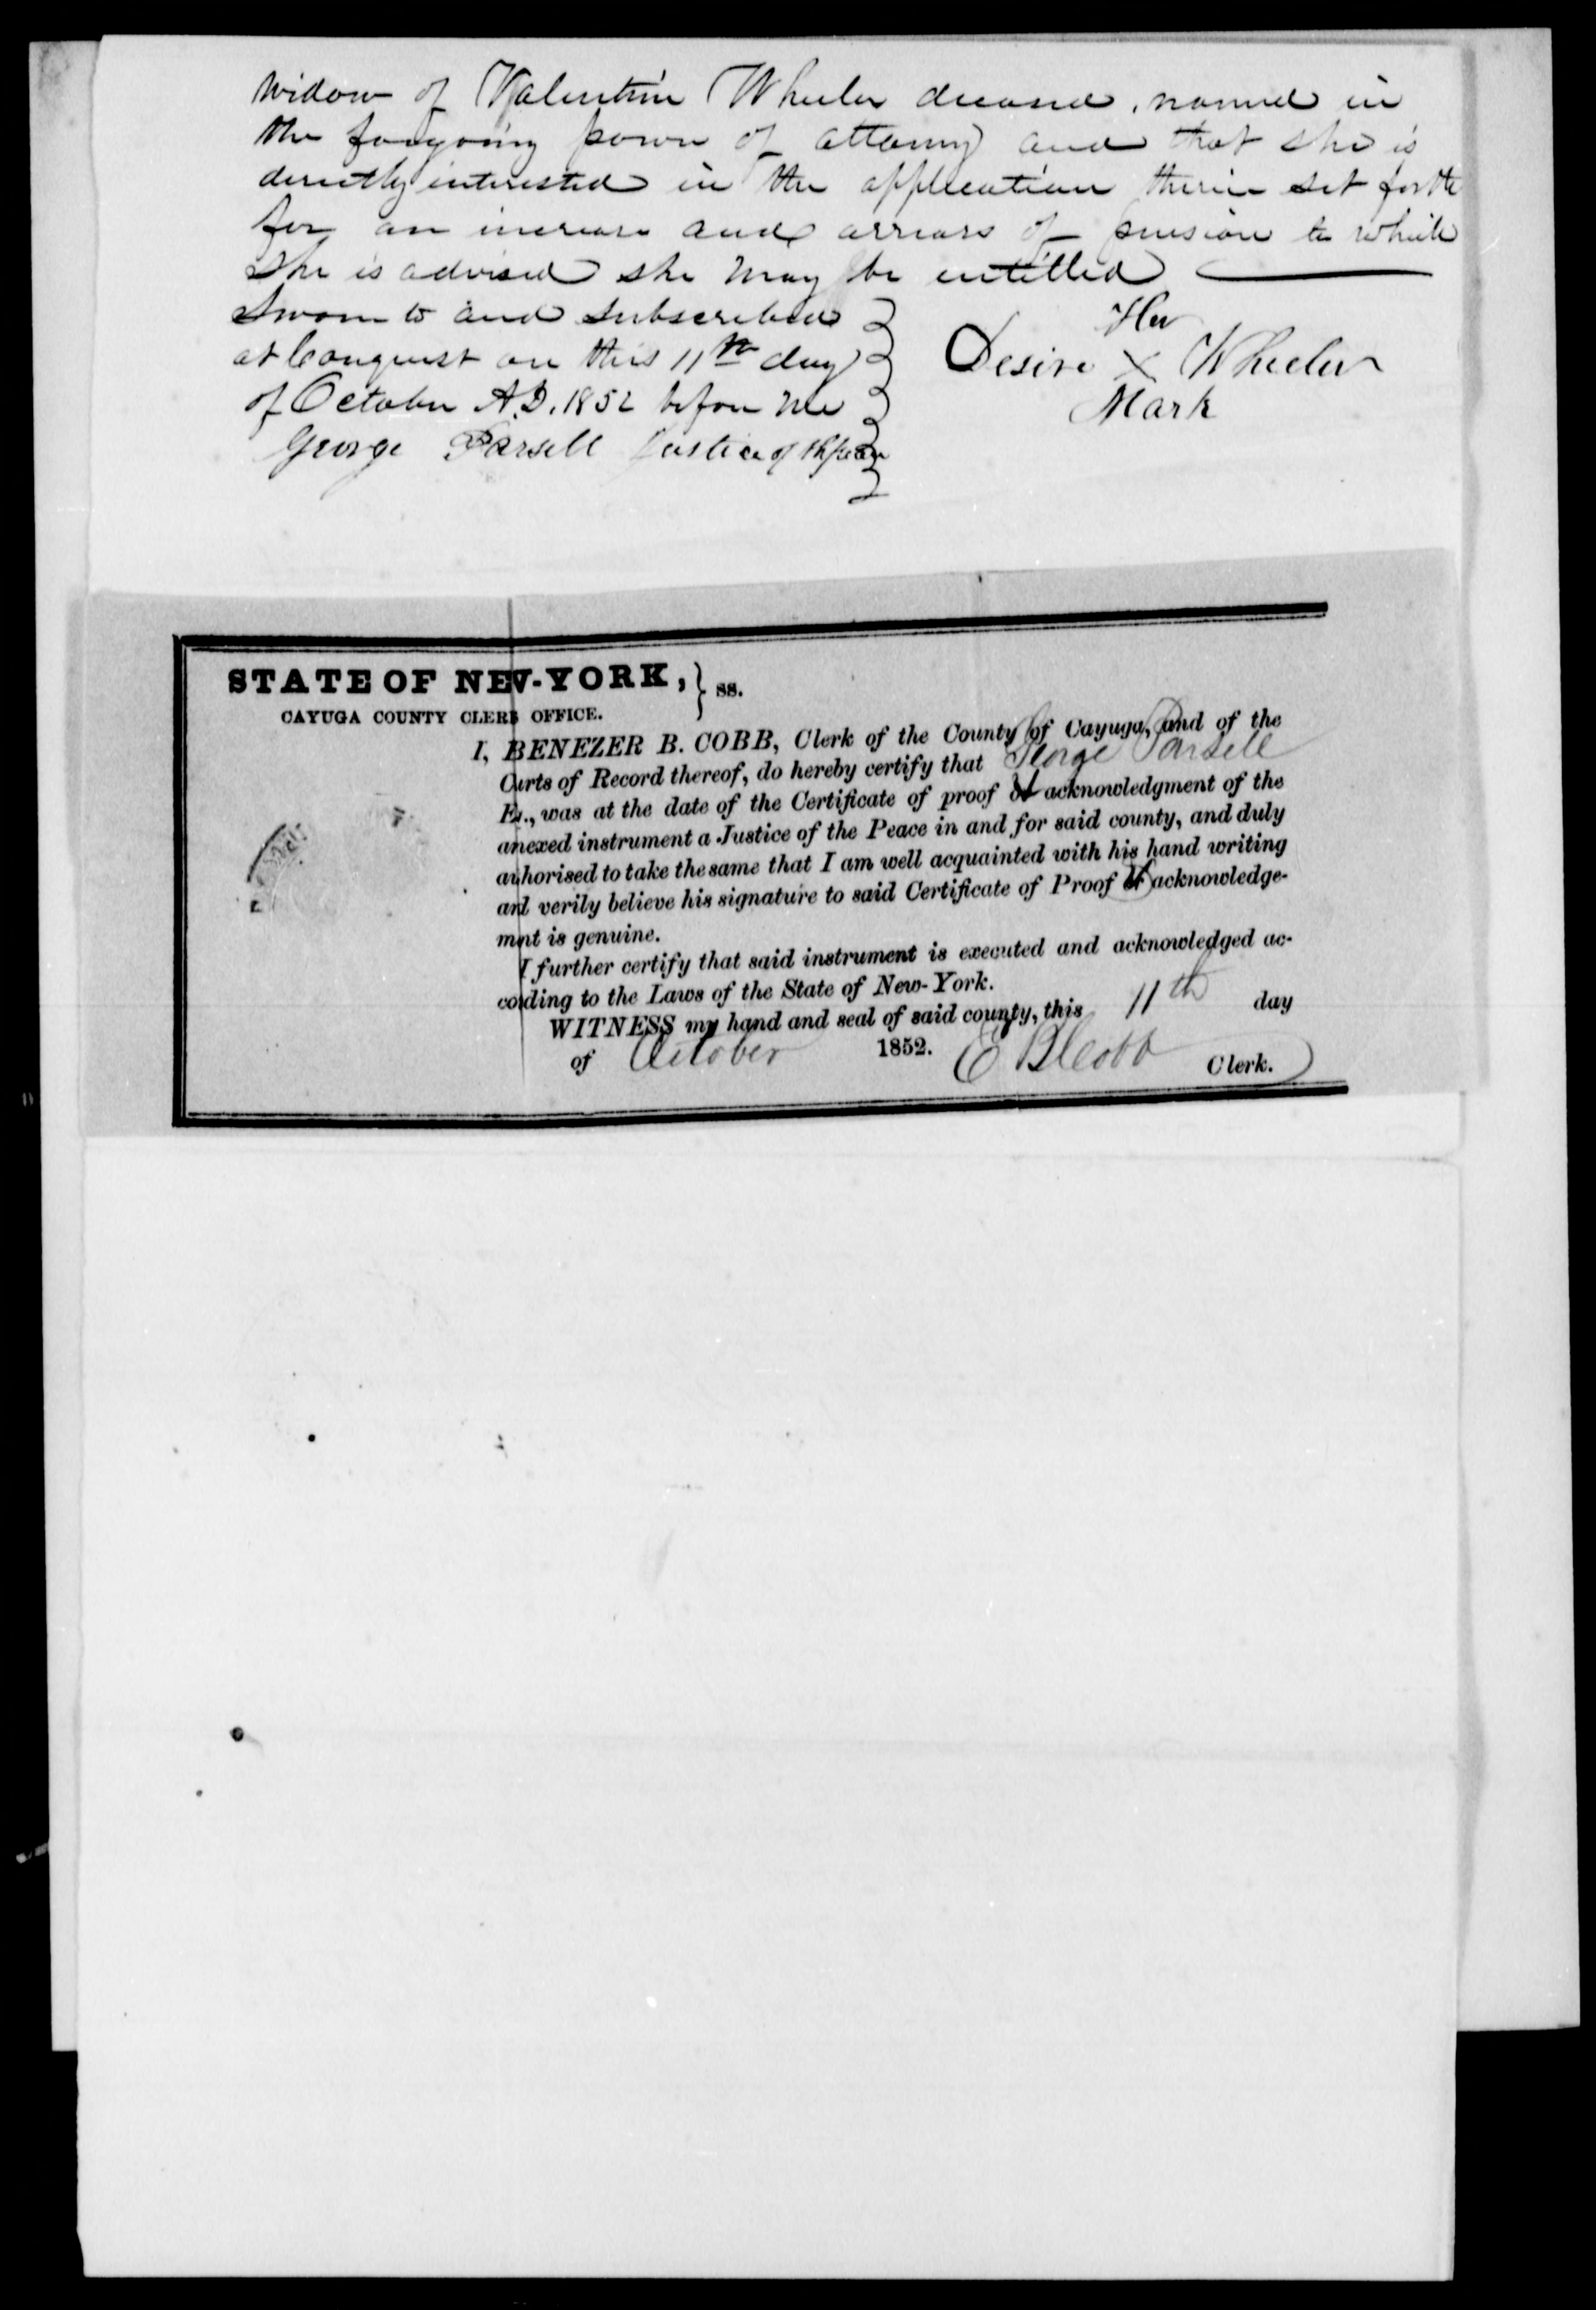widow of Valentine Wheeler deceased, named in the foregoing power of Attorney and that she is directly interested in the application therein set forth for an increase and arrears of pension to which she is advised she may be entitled.
Desire  X  Wheeler
her mark

Sworn to and subscribed a Conquest on this 11th day of October A. D. 1852 before me,
George Parsell Justice of the peace

State of New-York
Cayuga County Clerks Office
I, Benezer B. Cobb, Clerk of the County of Cayuga and of the Courts of Record thereof, do hereby certify that George Parsell Esq. was at the date of the Certificate of Proof or acknowledgement of the annexed instrument a Justice of the Peace in and for said county, and duly authorised to take the same that I am well acquainted with his hand writing and verily believe his signature to said Certificate of Proof or acknowledgement is genuine. 
I further certify that said instrument is executed and acknowledged according to the Laws of the State of New-York
Witness my hand and seal of said county, this 11th day of October 1852.
E. B. Cobb, Clerk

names: Desire Wheeler, George Parsell, Ebenezer B Cobb, Valentine Wheeler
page: 95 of 98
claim: widow's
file: W. 1682, Valentine Wheeler, Mass.